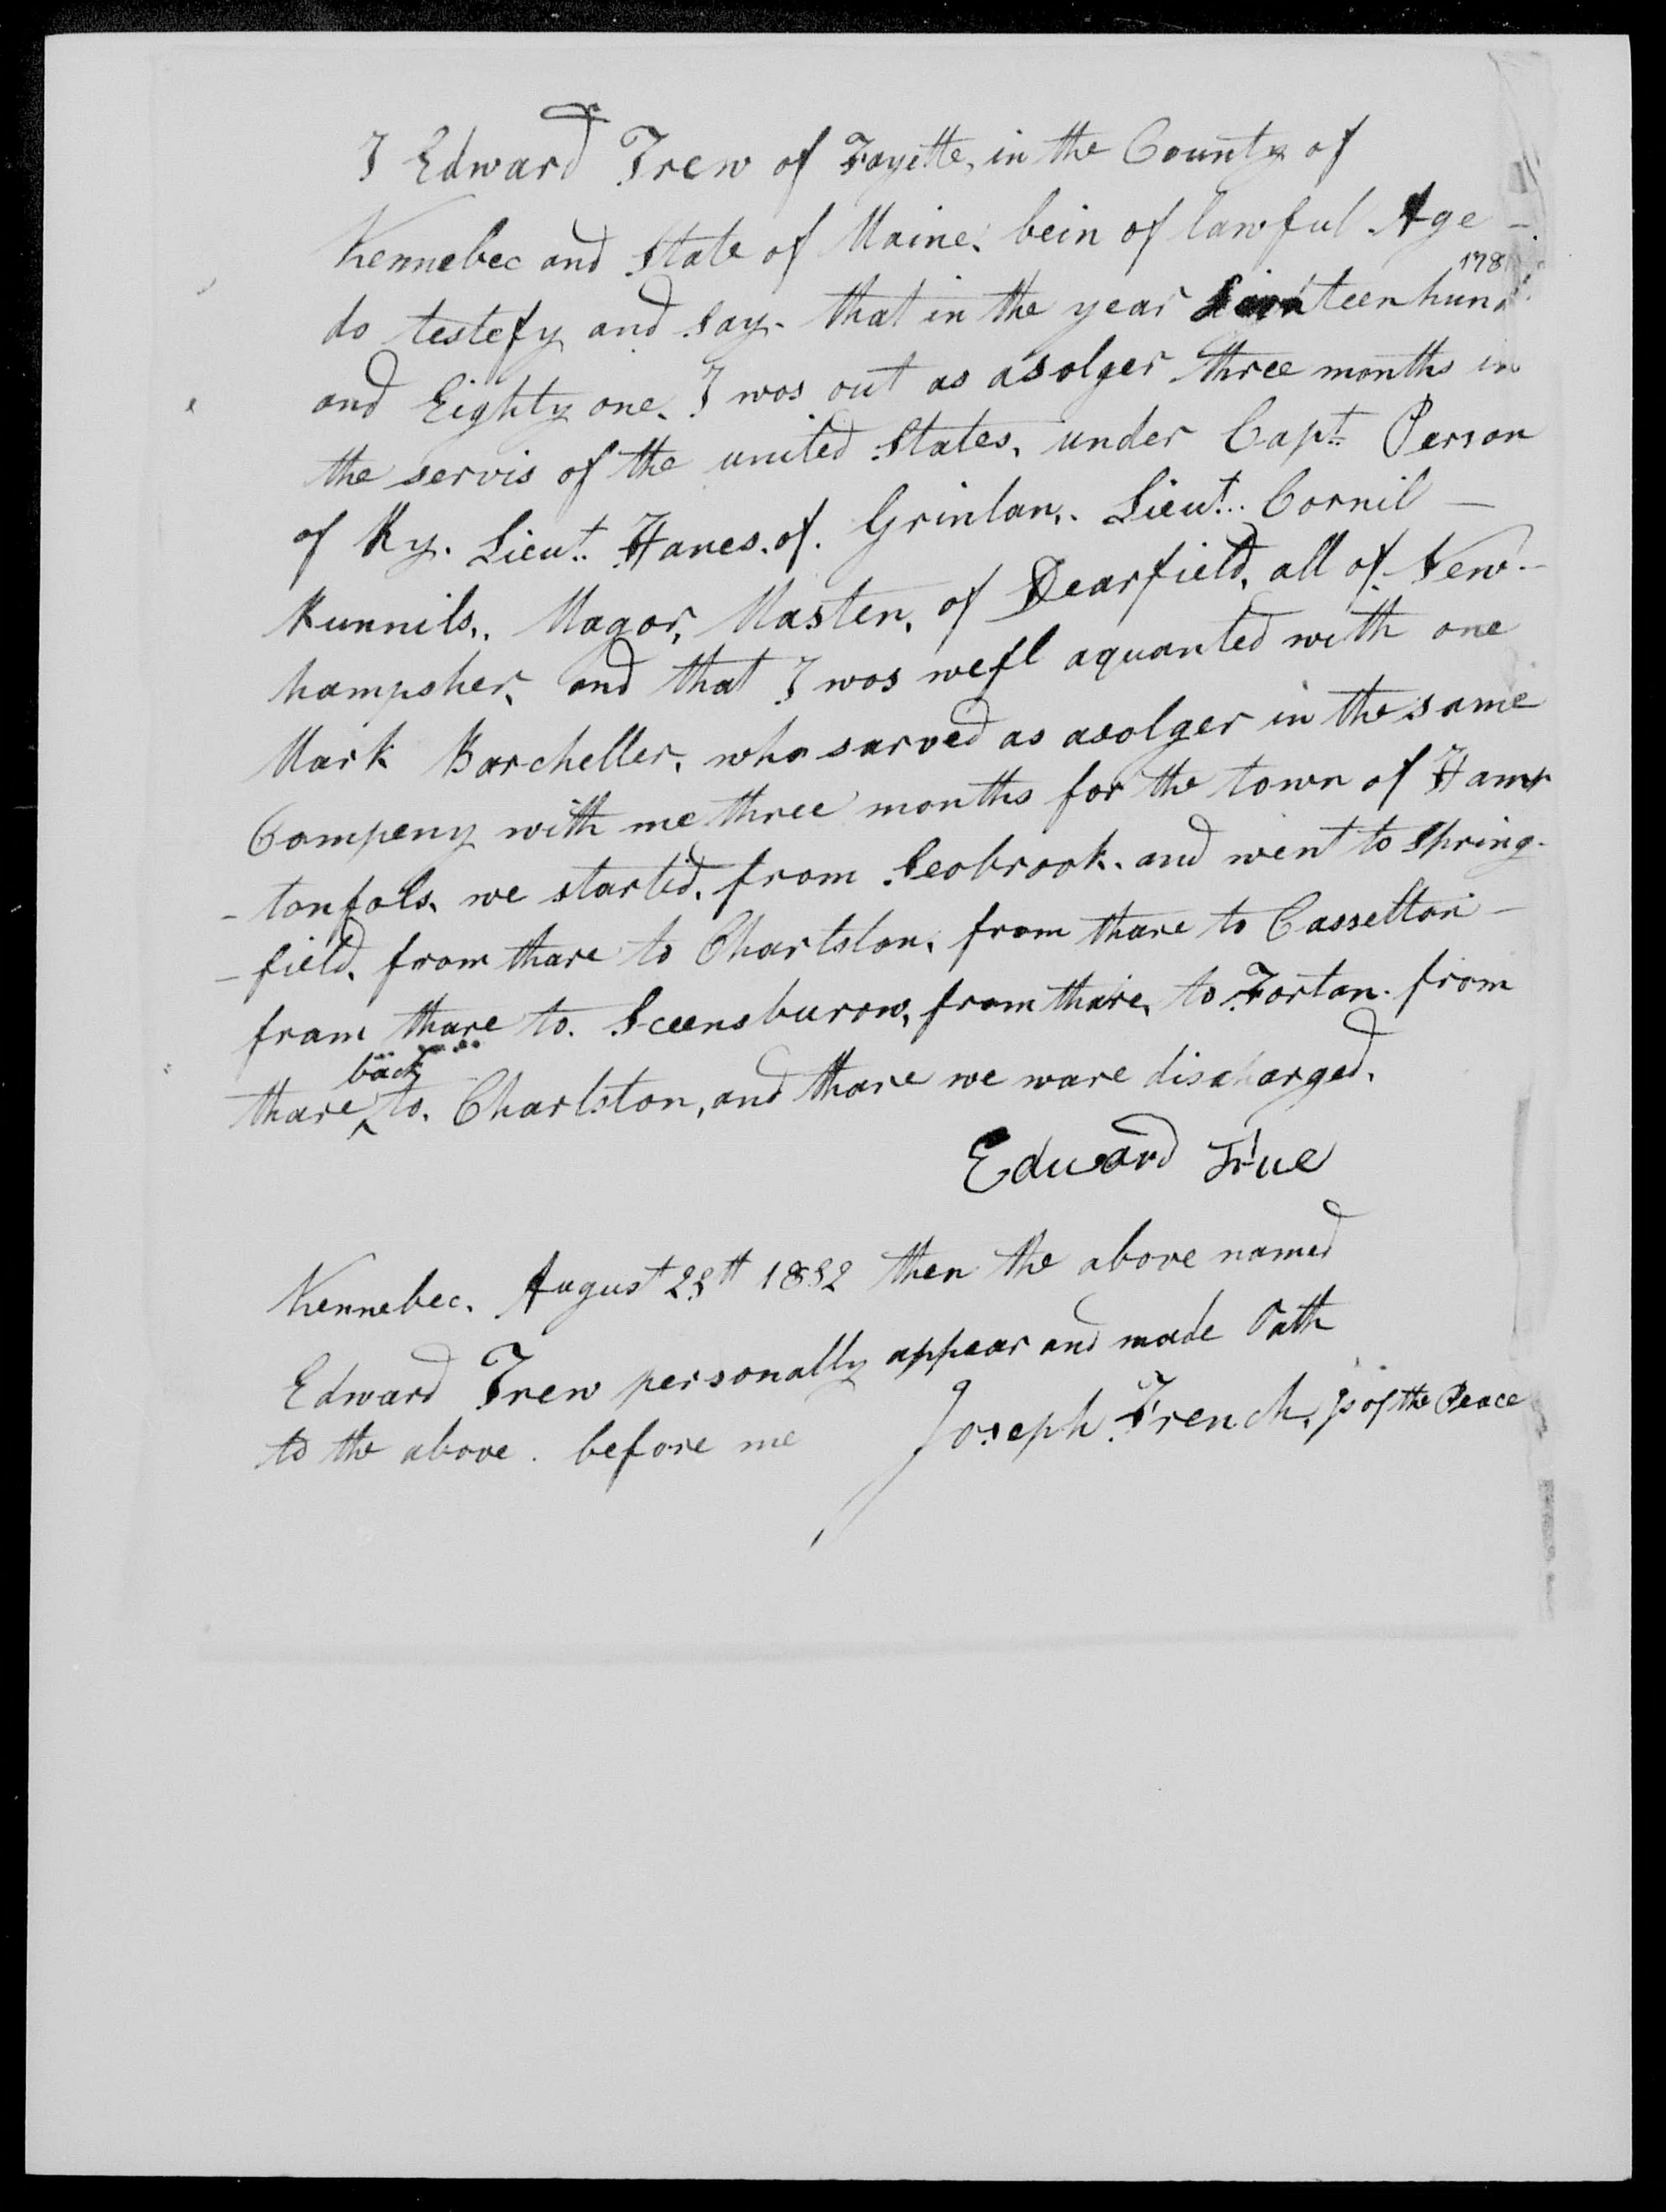I Edward Trew of Fayette, in the County of
Kennebec and State of Maine, being of lawful Age -
do testefy and say, that in the year Eighteen hund and Eighty one. I was out as a solger three months in the servis of the United States, under Capt Person of Ky. Lieut. Hanes of Grinlan,  Lieut. Cornil Kunnils, Magor, Master, of Dearfield, all of New-Hampshire, and that I was well aquanted with one Mark Barcheller, who served as a solger in the same Company with me three months for the town of Hamp-
ton fals, we started from Seabrook, and went to Spring-field, from there to Charlston [meant Charlestown?], from there to Casselton -
from there to Sceensburow, from there to Fort an [meant Fort Ann, NY?]. from there back to Charlston, and there we ware discharged.
Edward True
Kennebec, August 23th 1832 then the above named
Edward Trew personally appear and made Oath to the above. before me
Joseph French, Js of the Peace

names: Kunnils, Magor, Edward Trew, Person, Joseph French, Edward True, Masten, Hanes, Edward Trew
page: 8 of 11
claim: survivor's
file: S. 15302, Mark Batchelder, N. H